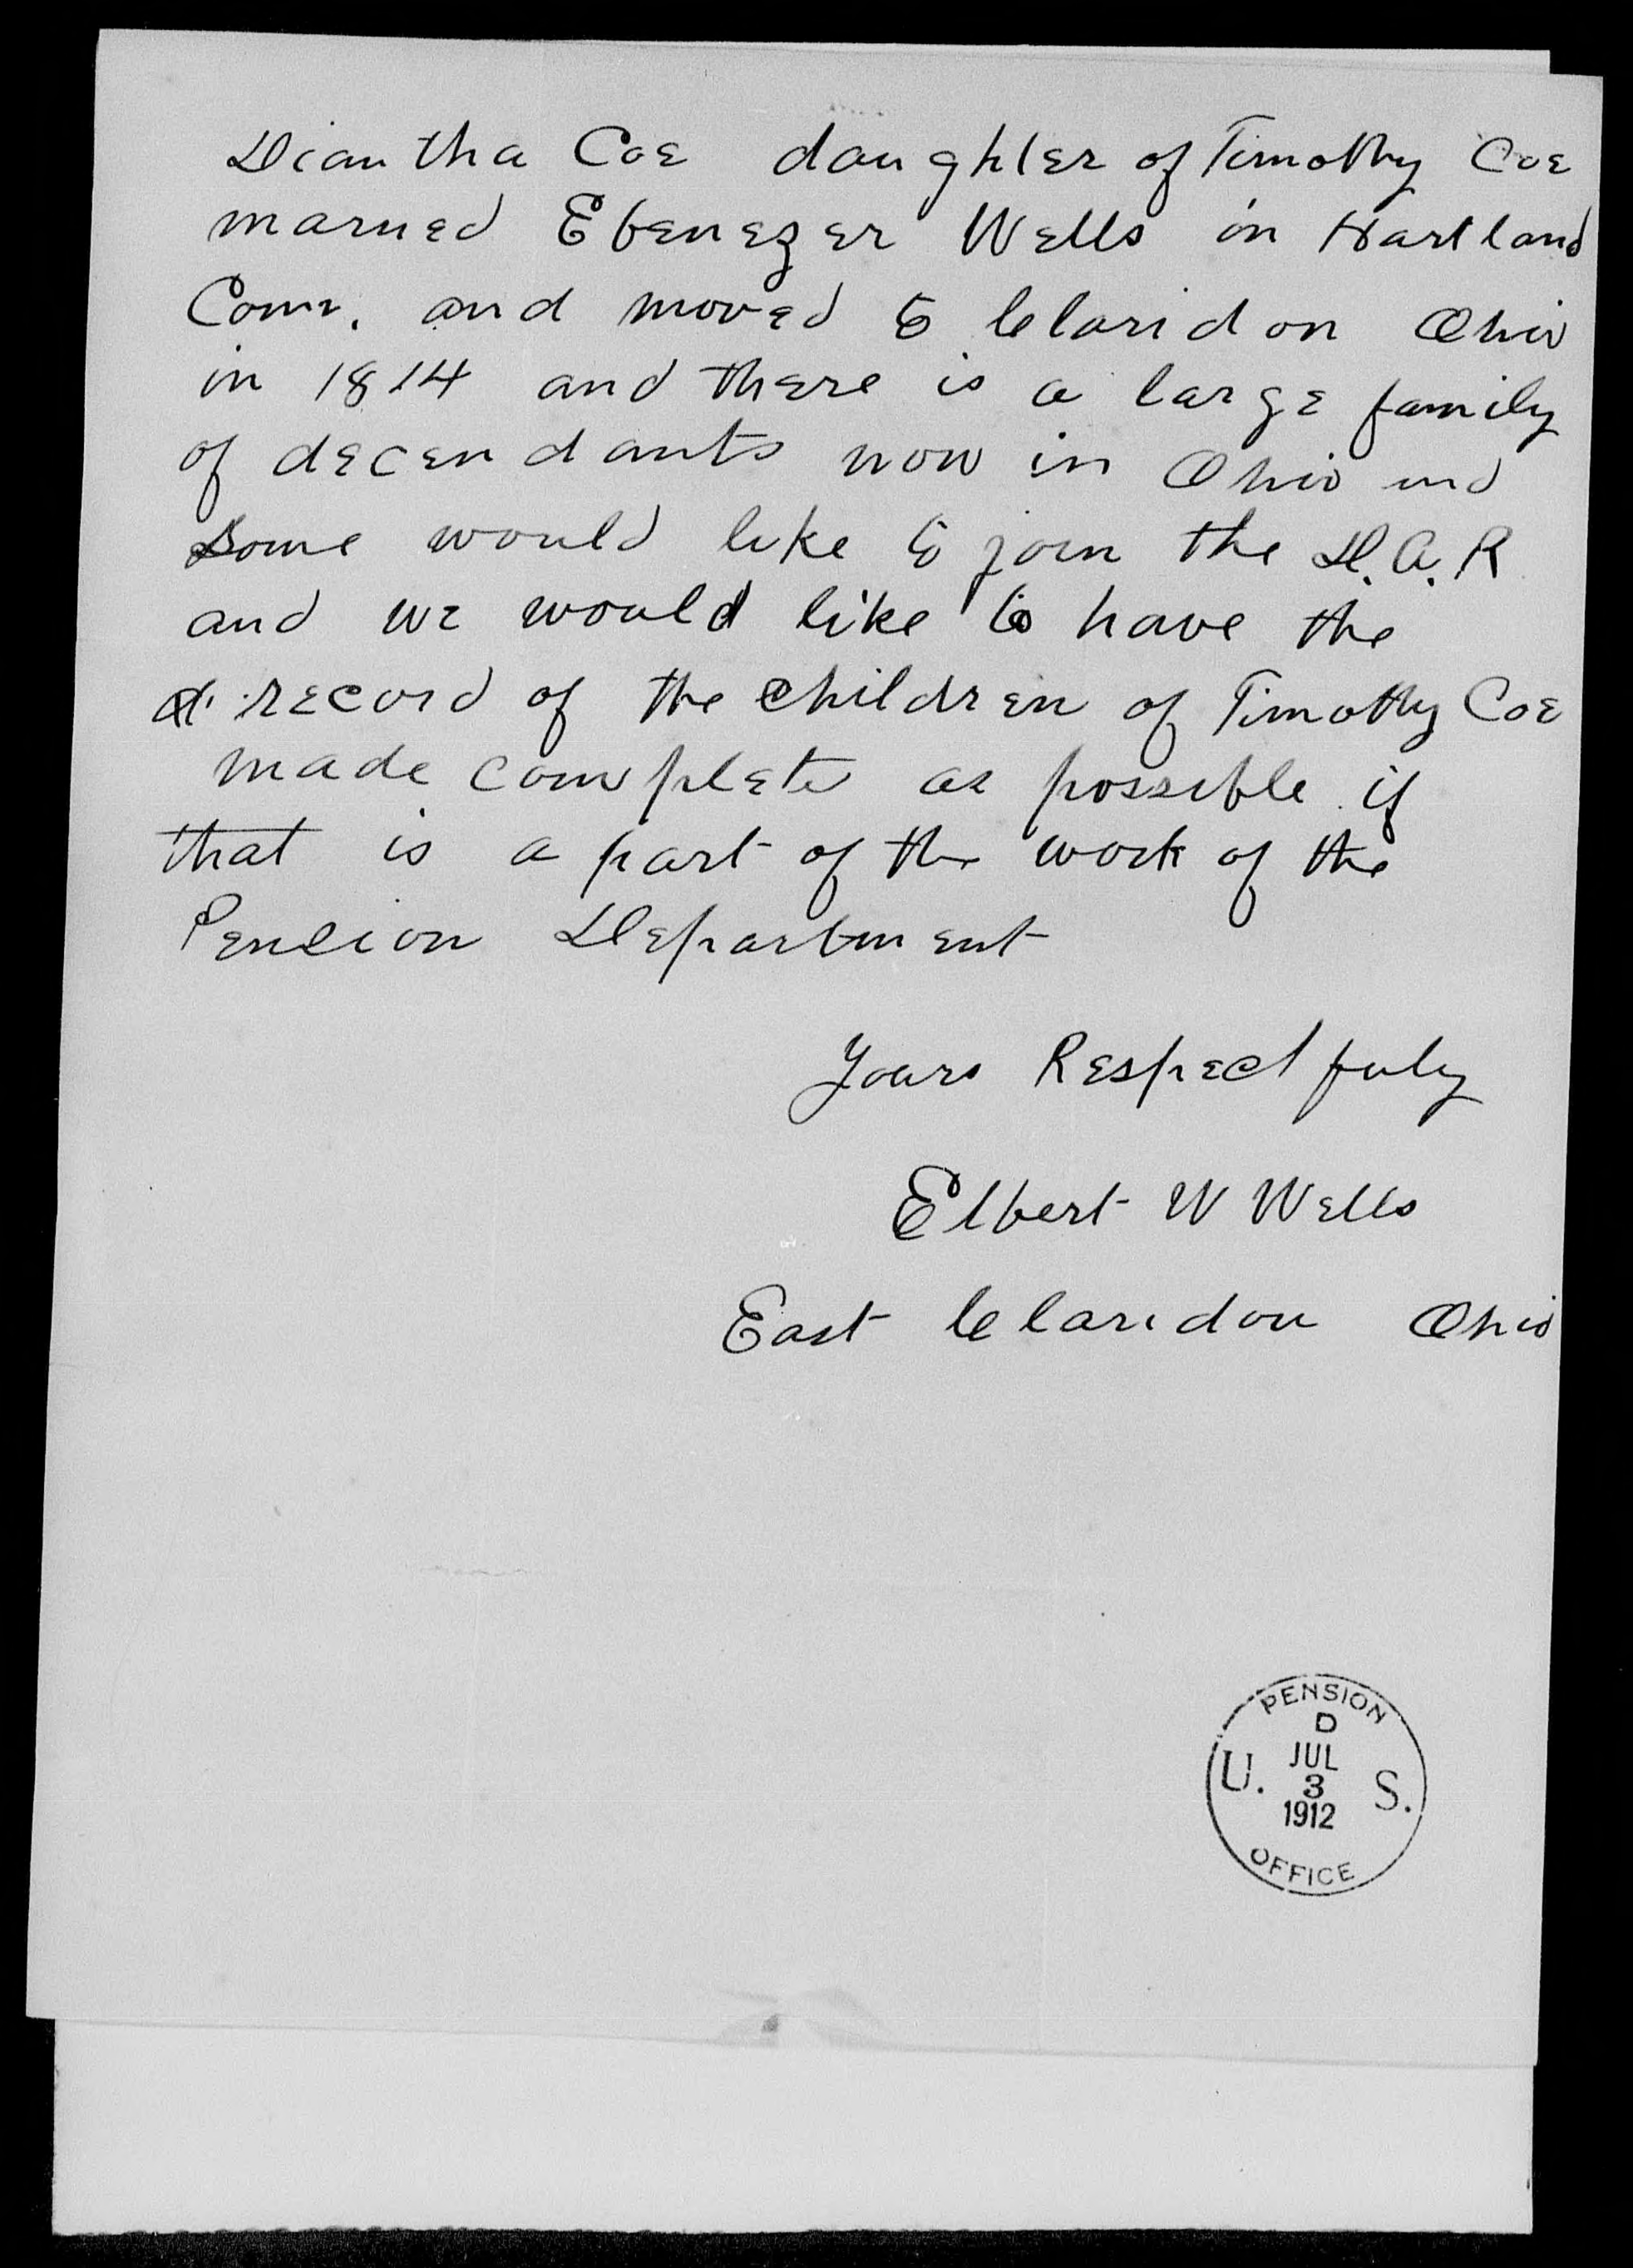Diantha Coe daughter of Timothy Coe married Ebenezer Wells in Hartland, Conn. and moved to Claridon Ohio in 1814 and there is a large family of descendants now in Ohio and some would like to join the DAR and we would like to have the record of the children of Timothy Coe made complete as possible if that is part of the work of the Pension Department
Yours Respectfully
Elbert W Wells
East Claridon Ohio

Stamp: Pension Office July 3, 1012 U.S.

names: Timothy Coe, Elbert W Wells, Diantha Coe, Timothy Coe, Ebenezer Wells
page: 75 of 76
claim: widow's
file: W. 5,250, Timothy Coe, Conn.